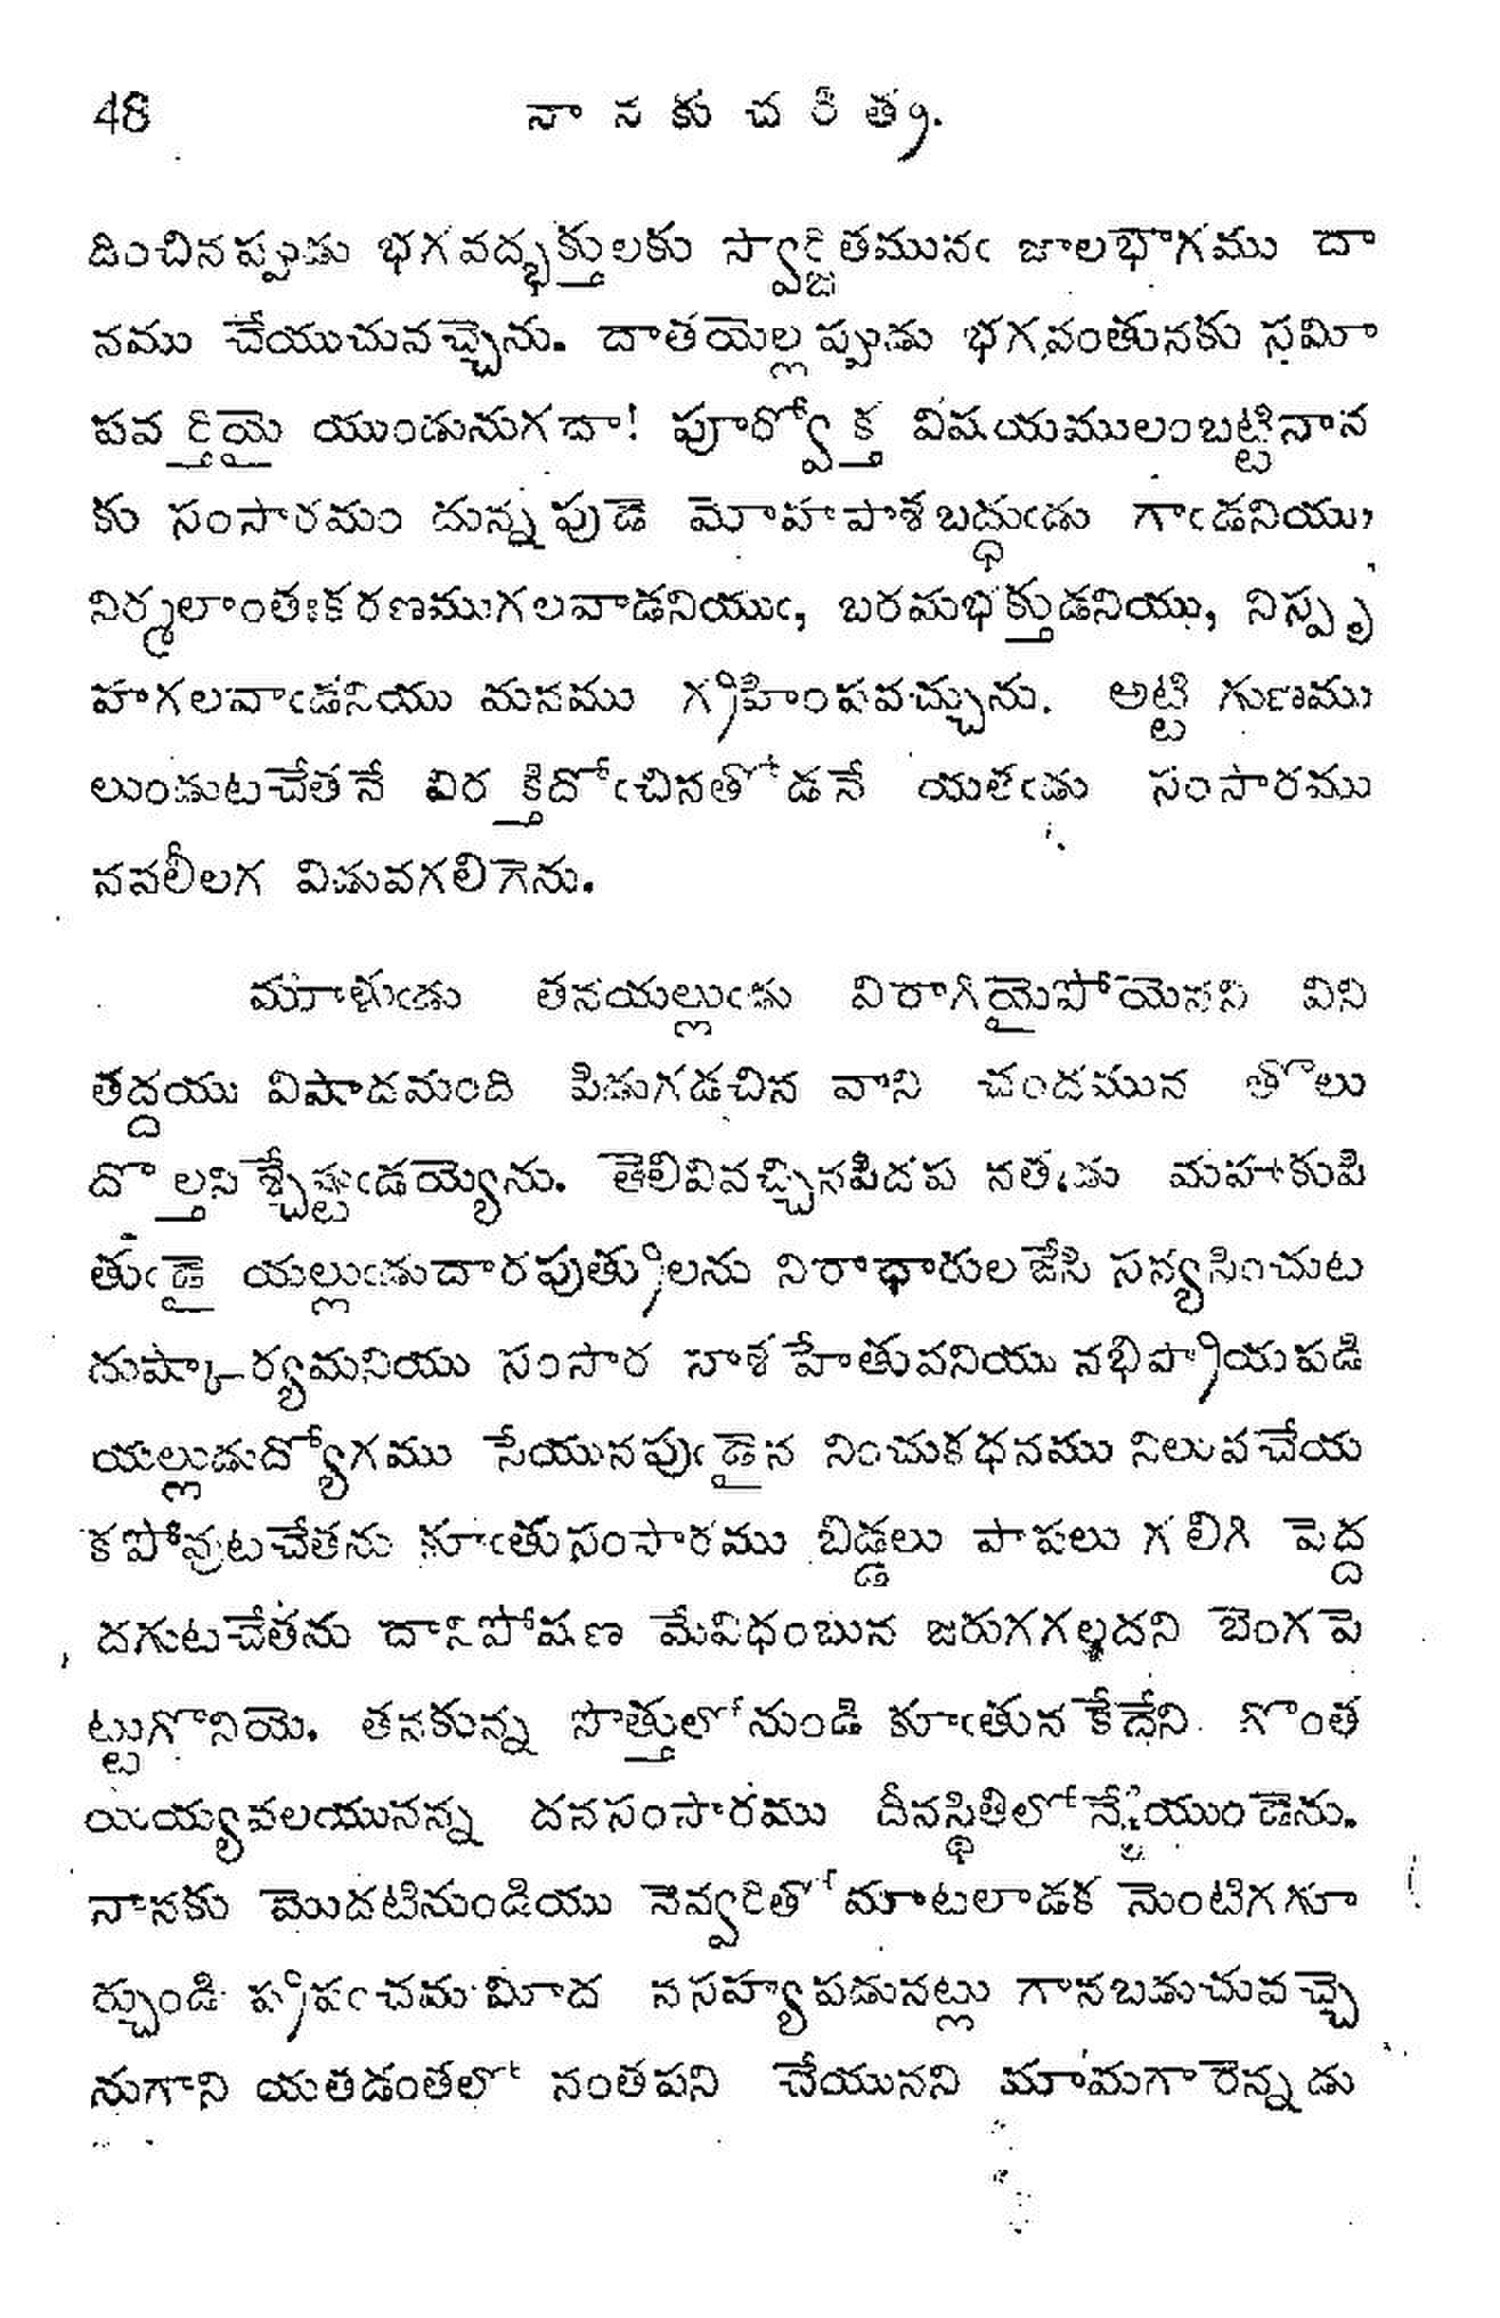దించినప్పుడు భగవద్భక్తులకు స్వార్జితమున జాలభాగము దానము చేయుచువచ్చెను. దాతయెల్లప్పుడు భగవంతునకు సమీపవర్తియై యుండునుగదా! పూర్వోక్త విషయములంబట్టి నానకు సాంసారమం దున్నపుడె మోహపాశబద్ధుడు గాడనియు నిర్మలాంత:కరణముగలవాడనియు, బరమభక్తుడనియు, నిస్పృహగలవాడనియు మనము గ్రహింపవచ్చును. అట్టి గుణములుండుటచేతనే విరక్తిదోచినతోడనే యతడు సంసారము నవలీలగ విడువగలిగెను. 

మూళుడు తనయల్లుడు విరాగియైపోయెనని విని తద్దయు విషాదమంది పిడుగడచిన వాని చందమున తొలు దొల్తనిశ్చేష్టుడయ్యెను. తెలివివచ్చినపిదప నతడు మహాకుపితుడై యల్లుండుదారపుత్రులను నిరాధారులజేసి సన్యసించుట దుష్కార్యమనియు సంసార నాశహేతువనియు నభిప్రాయపడి యల్లుడుద్యోగము సేయునపుడైన నించుకధనము నిలువచేయకపోవుటచేతను కూతుసంసారము బిడ్డలు పాపలు గలిగి పెద్దదగుటచేతను దానిపోషణ మేవిధంబున జరుగగలదని బెంగపెట్టుగొనియె. తనకున్న సొత్తులోనుండి కూతునకేదేని గొంత యియ్యవలయునన్న దనసంసారము దీనస్థితిలోనేయుండెను. నానకు మొదటినుండియు నెవ్వరితో మాటలాడక నొంటిగగూర్చుండి ప్రపంచముమీద నసహ్యపడునట్లు గానబడుచువచ్చెనుగాని యతడంతలో నంతపని చేయునని మామగారెన్నడు